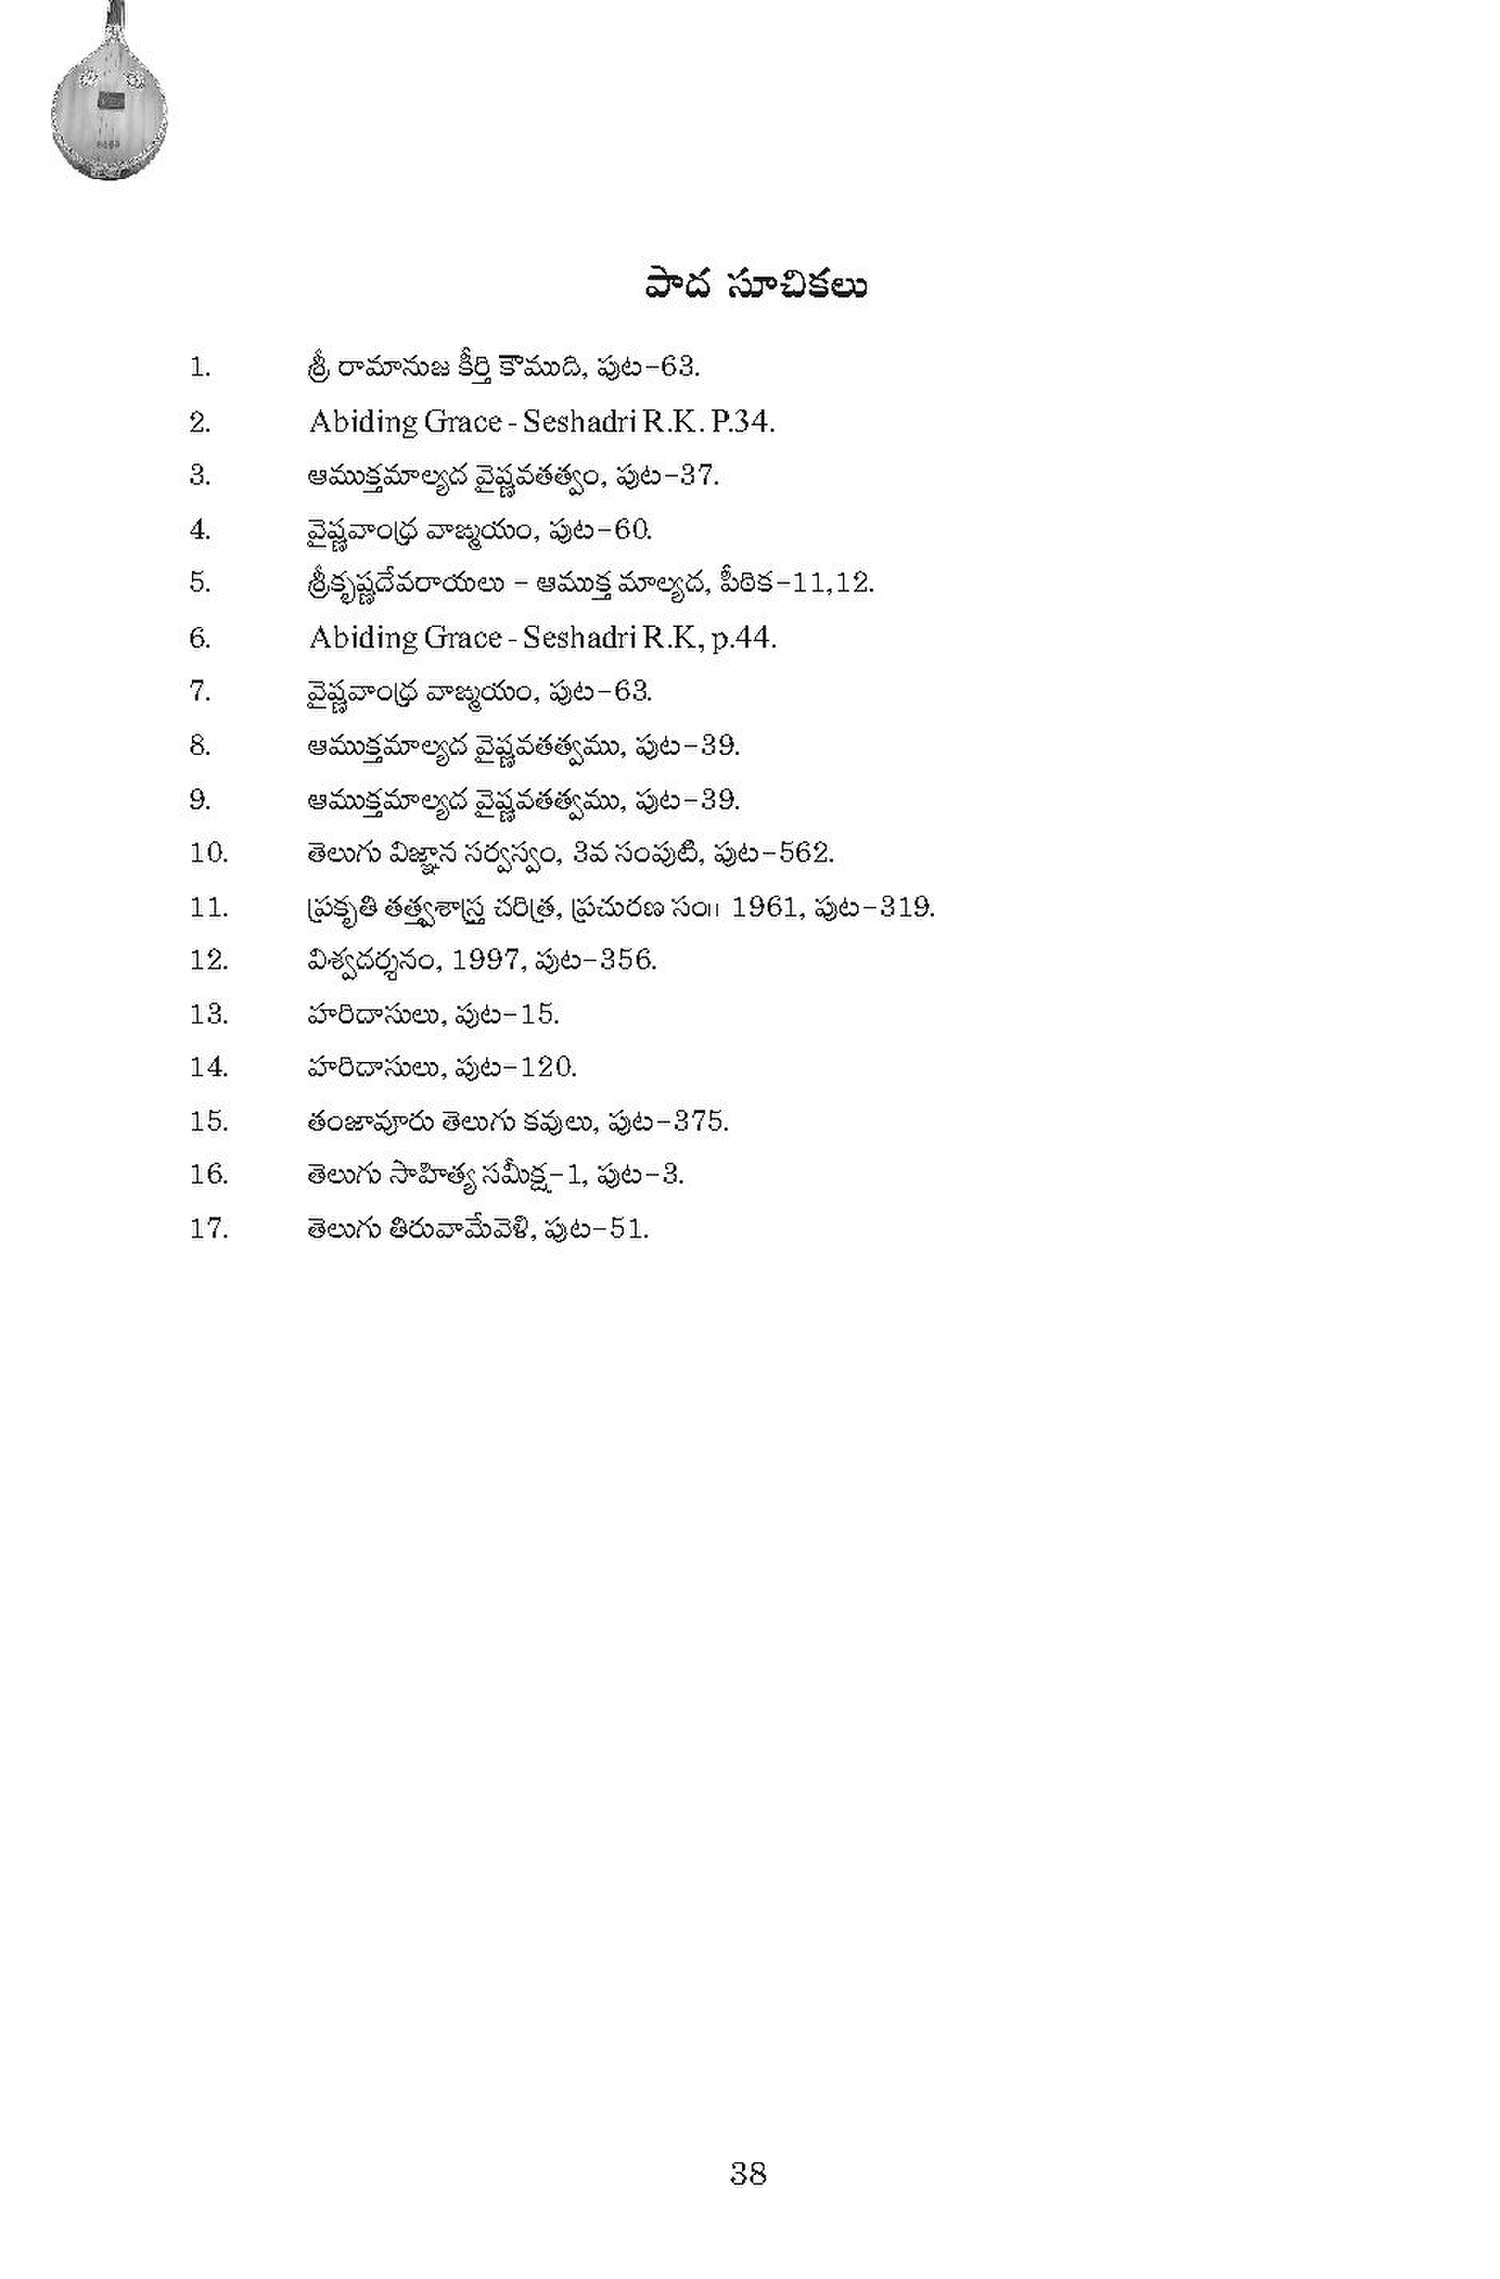1. రామానుజ కీర్తి కౌముది, పుట-63.
2. Abiding Grace - Seshadri R.K.P.34.
3. ఆముక్తమాల్యద వైష్ణవతత్వం, పుట-37.
4. వైష్ణవాంధ్ర వాఙ్మయం, పుట-60.
5. శ్రీకృష్ణదేవరాయలు - ఆముక్త మాల్యద, పీఠిక -11,12.
6. Abiding Grace - Seshadri R.K, p. 44.
7. వైష్ణవాంధ్ర వాఙ్మయం, పుట-63.
8. ఆముక్తమాల్యద వైష్ణవతత్వము, పుట-39.
9. ఆముక్తమాల్యద వైష్ణవతత్వము, పుట-39.
10.తెలుగు విజ్ఞాన సర్వస్వం, 3వ సంపుటి, పుట-562.
11.ప్రకృతి తత్త్వశాస్త్ర చరిత్ర, ప్రచురణ సం॥ 1961, పుట-319.
12.విశ్వదర్శనం, 1997, పుట-356.
13.హరిదాసులు, పుట-15.
14.హరిదాసులు, పుట-120.
15.తంజావూరు తెలుగు కవులు, పుట-375.
16.తెలుగు సాహిత్య సమీక్ష-1, పుట-3.
17.తెలుగు తిరువామేవెళి, పుట-51.